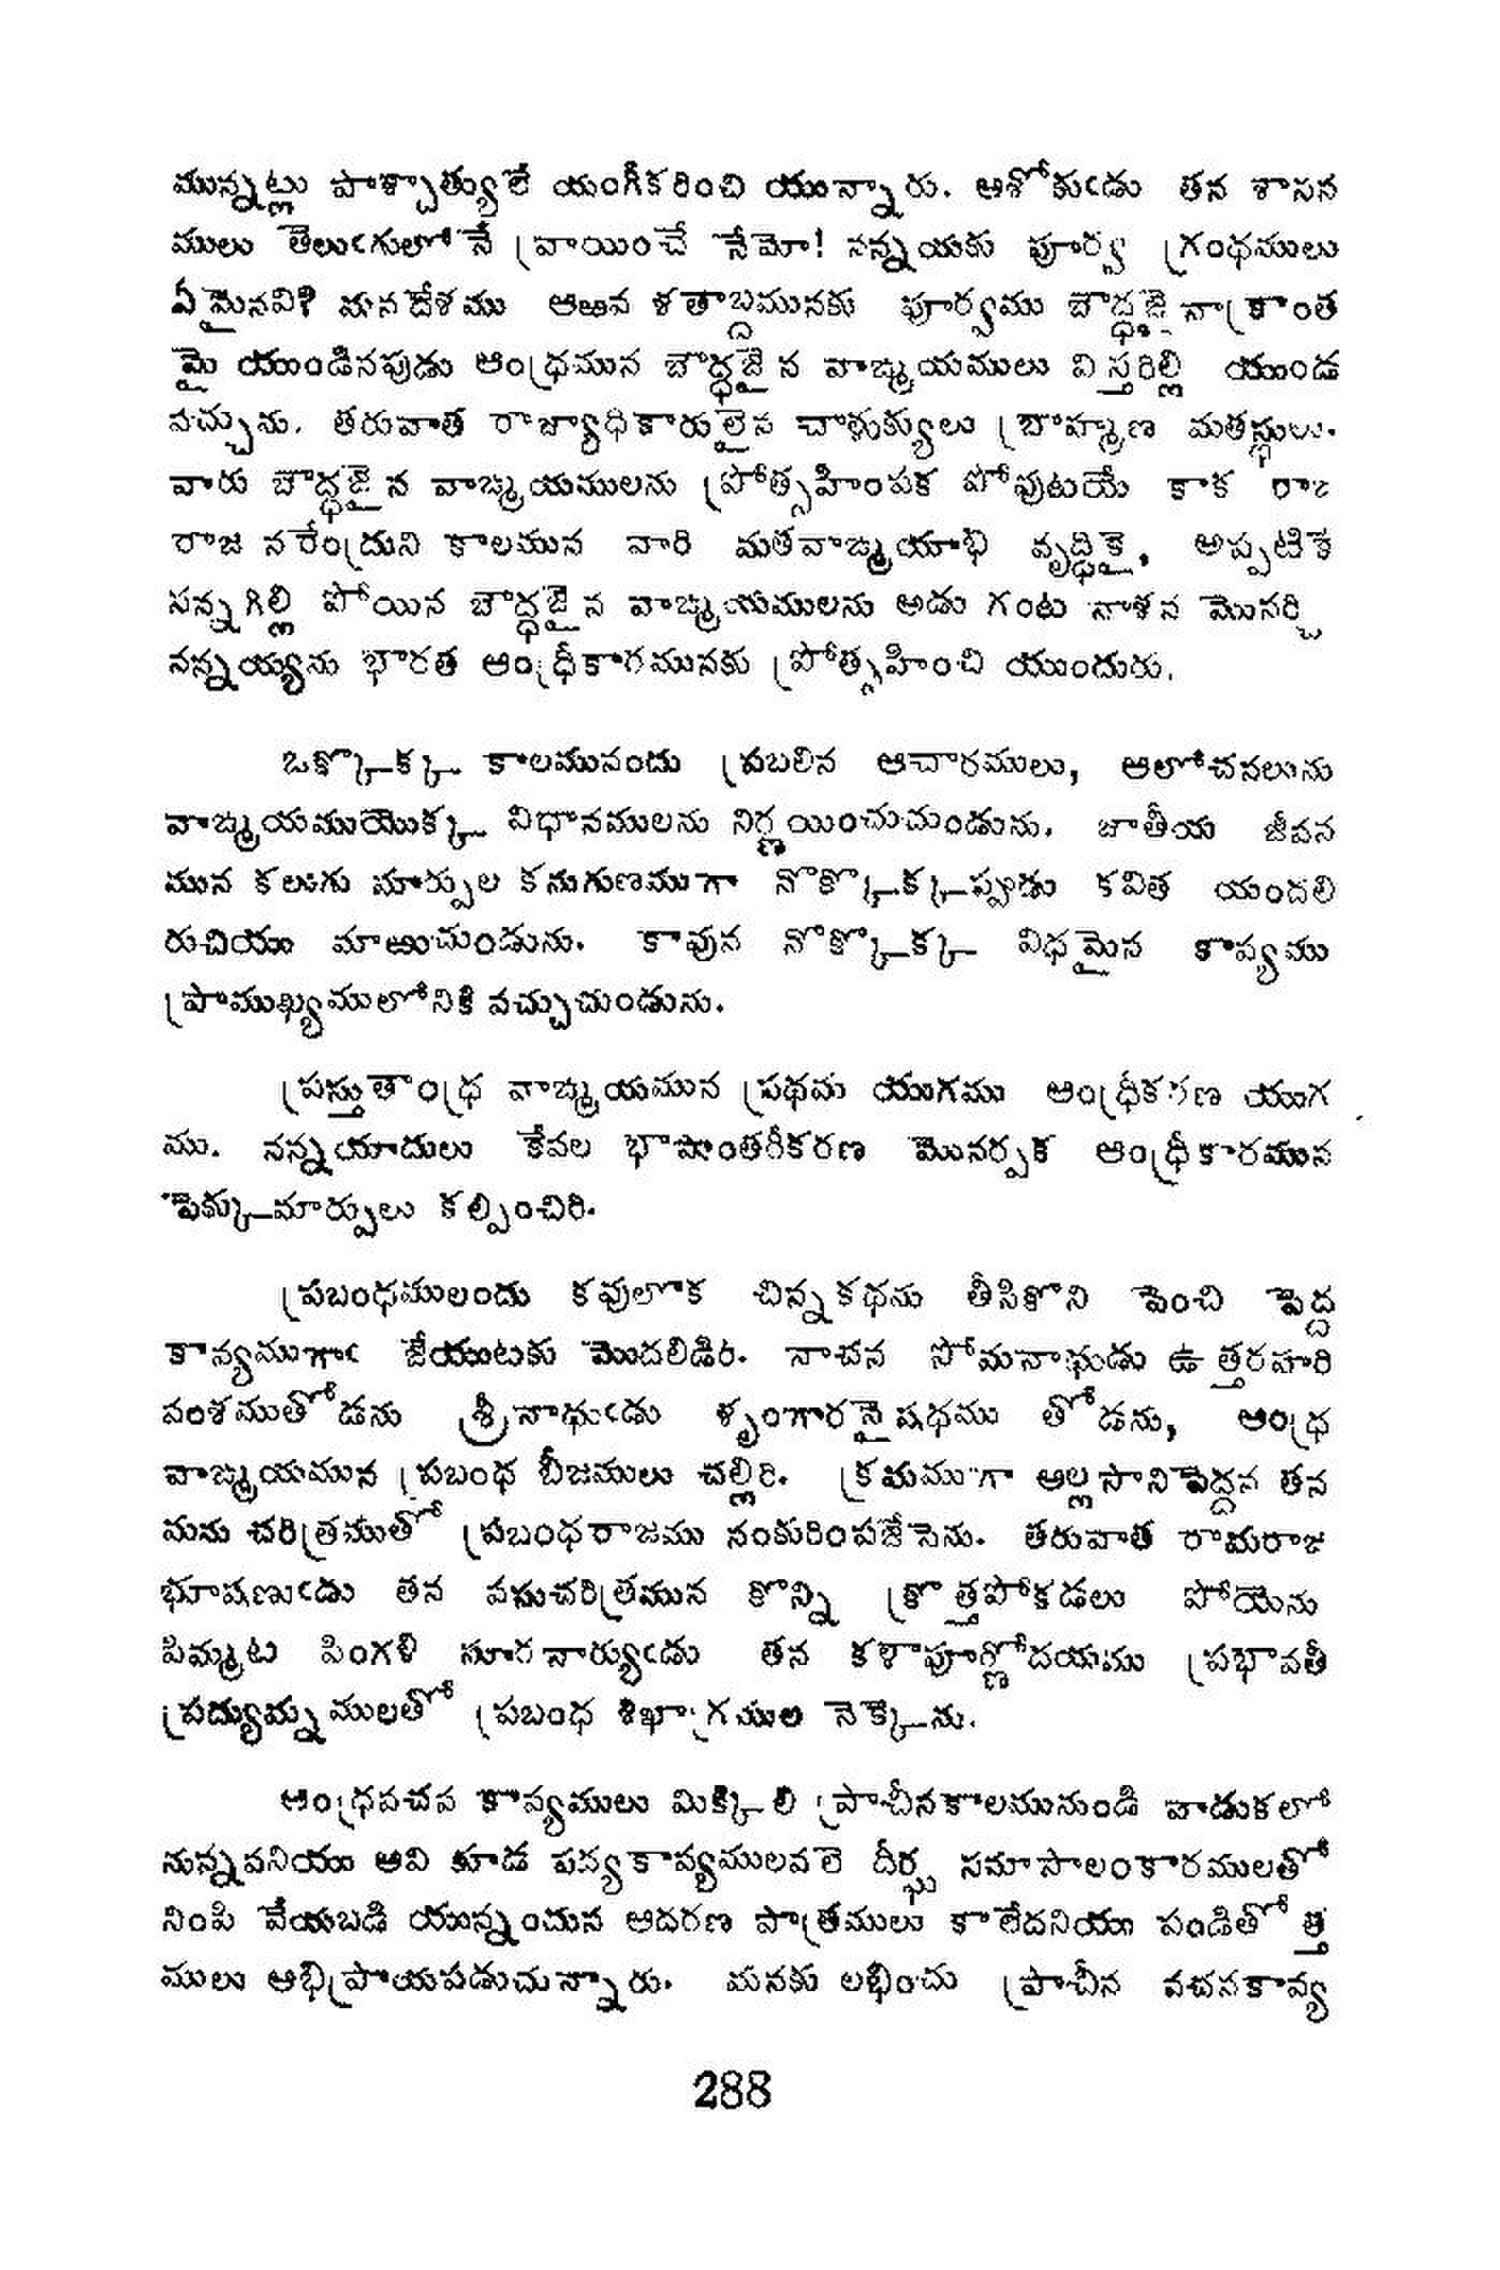మున్నట్లు పాశ్చాత్యులే యంగీకరించి యున్నారు. అశోకుడు తన శాసనములు తెలుగులోనే వ్ర్రాయించే నేమో! నన్నయకు పూర్వ గ్రంధములు ఏమైనవి? మనదేశము ఆఱవ శతాబ్దమునకు పూర్వము బౌద్ధజైనక్రాంతమై యుండినపుడు ఆంధ్రమున బౌద్ధజైన వాజ్మయములు విస్తరిల్లి యుండవచ్చును. తరువాత రాజ్యాదికారులైన చాళుక్యులు బ్రాహ్మణ మతస్థుల వారు బౌద్ధజైన వాజ్మయము లను ప్రోత్సహింపక పొవుటయే కాక రాజరాజనరేందుని కాలమున వారి మతవాజ్మయాభి వృద్దికై, అప్పటికె సన్నగిల్లి పోయిన బౌద్ధజైన వాజ్మయము లను అడుగంట నాశనమొనర్చి నన్నయను భారత ఆంధ్రీకారమునకు ప్రొత్స హించి యుందురు.
 
ఒక్కొక్క కాలమునందు ప్రబలిన ఆచారములు, ఆలోచనలును వాజ్మయము యొక్క విధానములను నిర్ణయించుచుండును. జాతీయ జీవనమున కలుగు మార్పుల కనుగుణముగా నొక్కొక్కప్పుడు కవిత యందలి రుచియు మాఱు చుండును. కావున నొక్కొక్క విధమైన కావ్యము ప్రాముఖ్యములోనికి వచ్చుచుండును..
 
ప్రస్తుతాంధ్ర వాజ్మయమున ప్రధమ యుగము ఆంధ్రీకరణ యుగము. నన్నయాదులు కేవల భాషాంతరీకరణ మొనర్చక ఆంధ్రీకారమున పెక్కు మార్పులు కల్పించిరి.
 
ప్రబంధములందు కవులొక చిన్నకధను తీసికొని పెంచి పెద్దకావ్యముగా జేయుటకు మొదలిడిరి. నాచన సోమనాధుడు ఉత్తరహరివంశముతోడను శ్రీనాధుడు శృంగారనైషధము తోడను, ఆంధ్ర వాజ్మయ్హమున ప్రబంధ బీజములు చల్లిరి. క్రమముగా అల్లసానిపెద్దన తన మను చరిత్రముతో ప్రబంధరాజము నంకురింపజేసెను. తరువాత రామరాజభూషణుడు తన వసుచరిత్రమున కొన్ని క్రొత్తపోకడలు పోయెను పిమ్మట పింగళి సూరనార్యుడు తన కళాపూర్ణోదయము ప్రభావతీ ప్రద్యుమ్నములతో ప్రబంధ శిఖాగ్రముల నెక్కెను.
 
ఆంధ్రవచన కావ్యములు మిక్కిలి ప్రాచీనకాలమునుండి వాడుకలో నున్నవనియు అవి కూడ పద్యకావ్యములవలె దీర్ఘ సమాసాలంకారములతో నింపి వేయబడి యున్నందున ఆదరణ పాత్రములు కాలేదనియు పండితోత్త ములు అభిప్రాయ పడుచున్నారు. మనకు లభించు ప్రాచీన వచనకావ్య